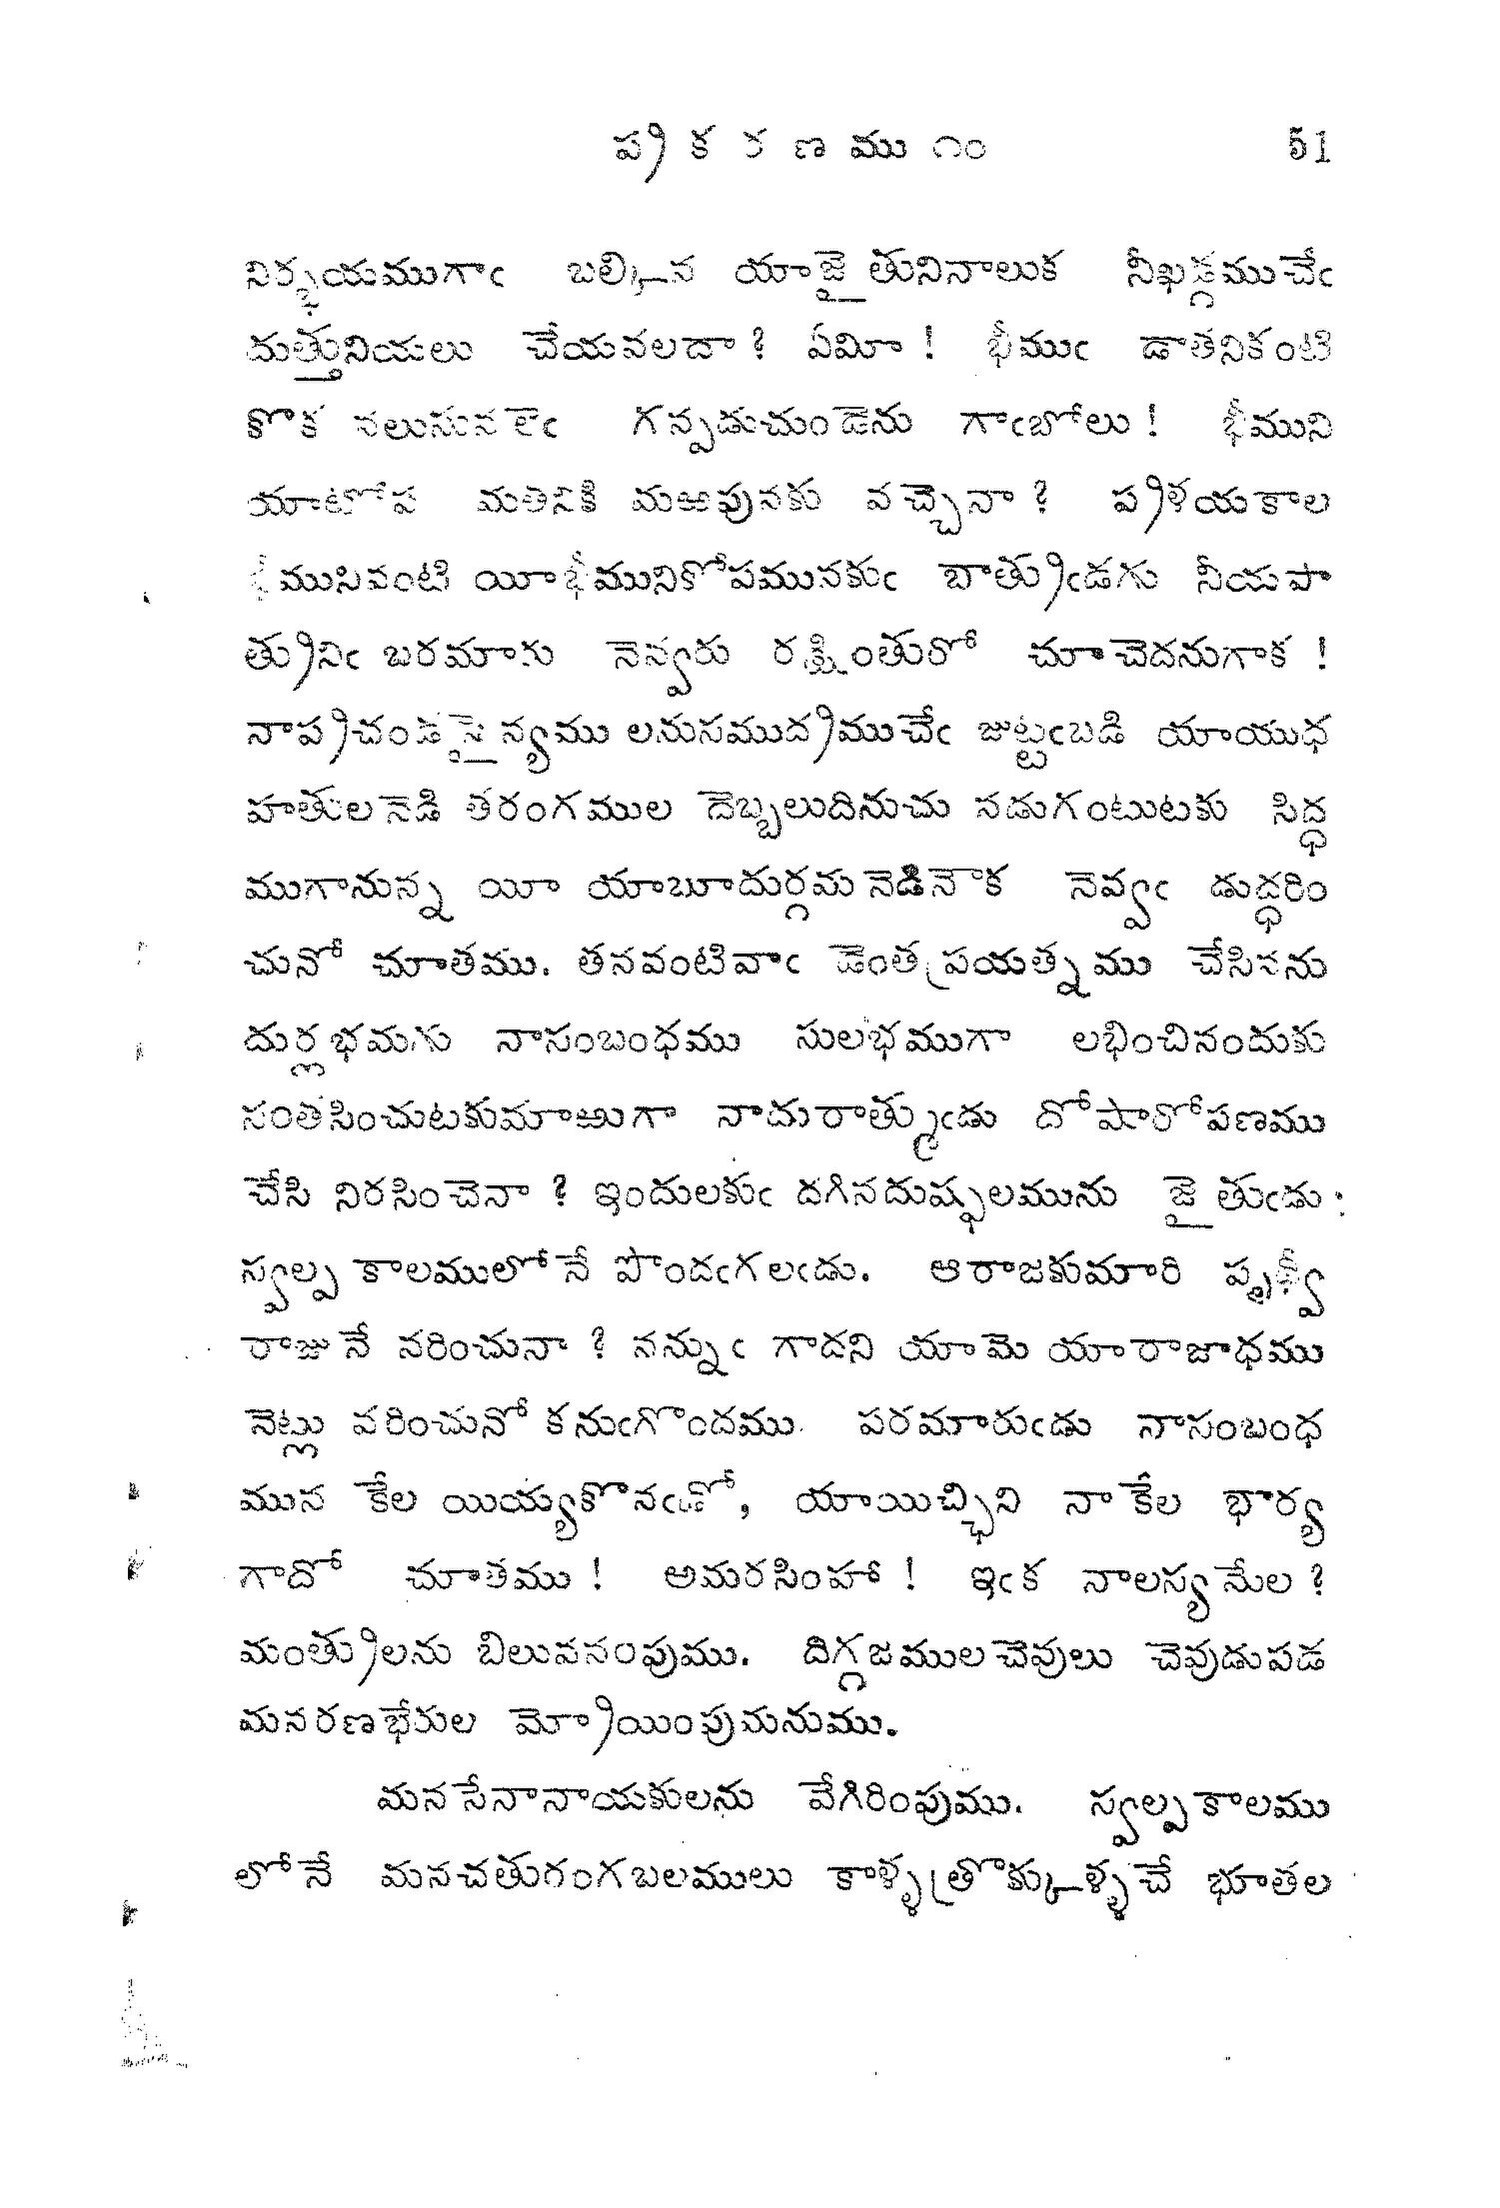నిర్భయముగాఁ బల్కిన యాజై తునినాలుక నీఖడ్గముచే తుత్తునియలు చేయనలదా ? ఏమీ ! భీముఁ డాతనికంటి కొక నలుసు వలె గన్పడుచుండెను గాఁబోలు! భీముని యాటోప మతికి మఱవునకు వచ్చెనా ? ప్రళయకాల మునివంటి యీ భీముని కోపమునకుఁ బాత్రుడగు నీయపా
త్రునిఁ బరమారు నెవ్వరు రక్షింతురో చూచెదనుగాక ! నాప్రచండ సైన్యము లనుసముద్రముచేఁ జుట్టంబడి యాయుధహతులనెడి తరంగముల దెబ్బలుదినుచు నడుగంటుటకుసిద్ద
ముగానున్న యీ యాబూదుర్గమ నెడినౌక నెవ్వఁ డుద్ధరించునో చూతము. తనవంటివాఁ డెంత ప్రయత్నము చేసినను దుర్లభమగు నాసంబంధము సులభముగా లభించినందుకు
సంతసించుటకు మాఱుగా నాచురాత్ముఁడు దోషారోపణము చేసి నిరసించెనా ! ఇందులకుఁ దగినదుష్ఫలమును జై తుఁడు :స్వల్ప కాలములో నే పొందగలఁడు. ఆరాజకుమారి పృద్వీ
రాజు నే వరించునా ? నన్నుఁ గాదని యామె యా రాజాధము నెటు వరించునో కనుఁగొందము. పరమారుఁడు నాసంబంధ మున కేల యియ్యకొనఁడో, యాయిచ్ఛిని నా కేల భార్య
గాదో చూతము ! అమర సింహా ! ఇక నాలస్య మేల ! మంత్ర్లను బిలువనంపుము. దిగ్గజముల చెవులు చెవుడుపడ మనరణ భేతుల మ్రోయింపుమనుము.

మన సేనా నాయకులను వేగిరింపుము. స్వల్ప కాలములోనే మన చతురంగబలములు కాళ్ళ తొక్కుళ్ళచే భూతల

.